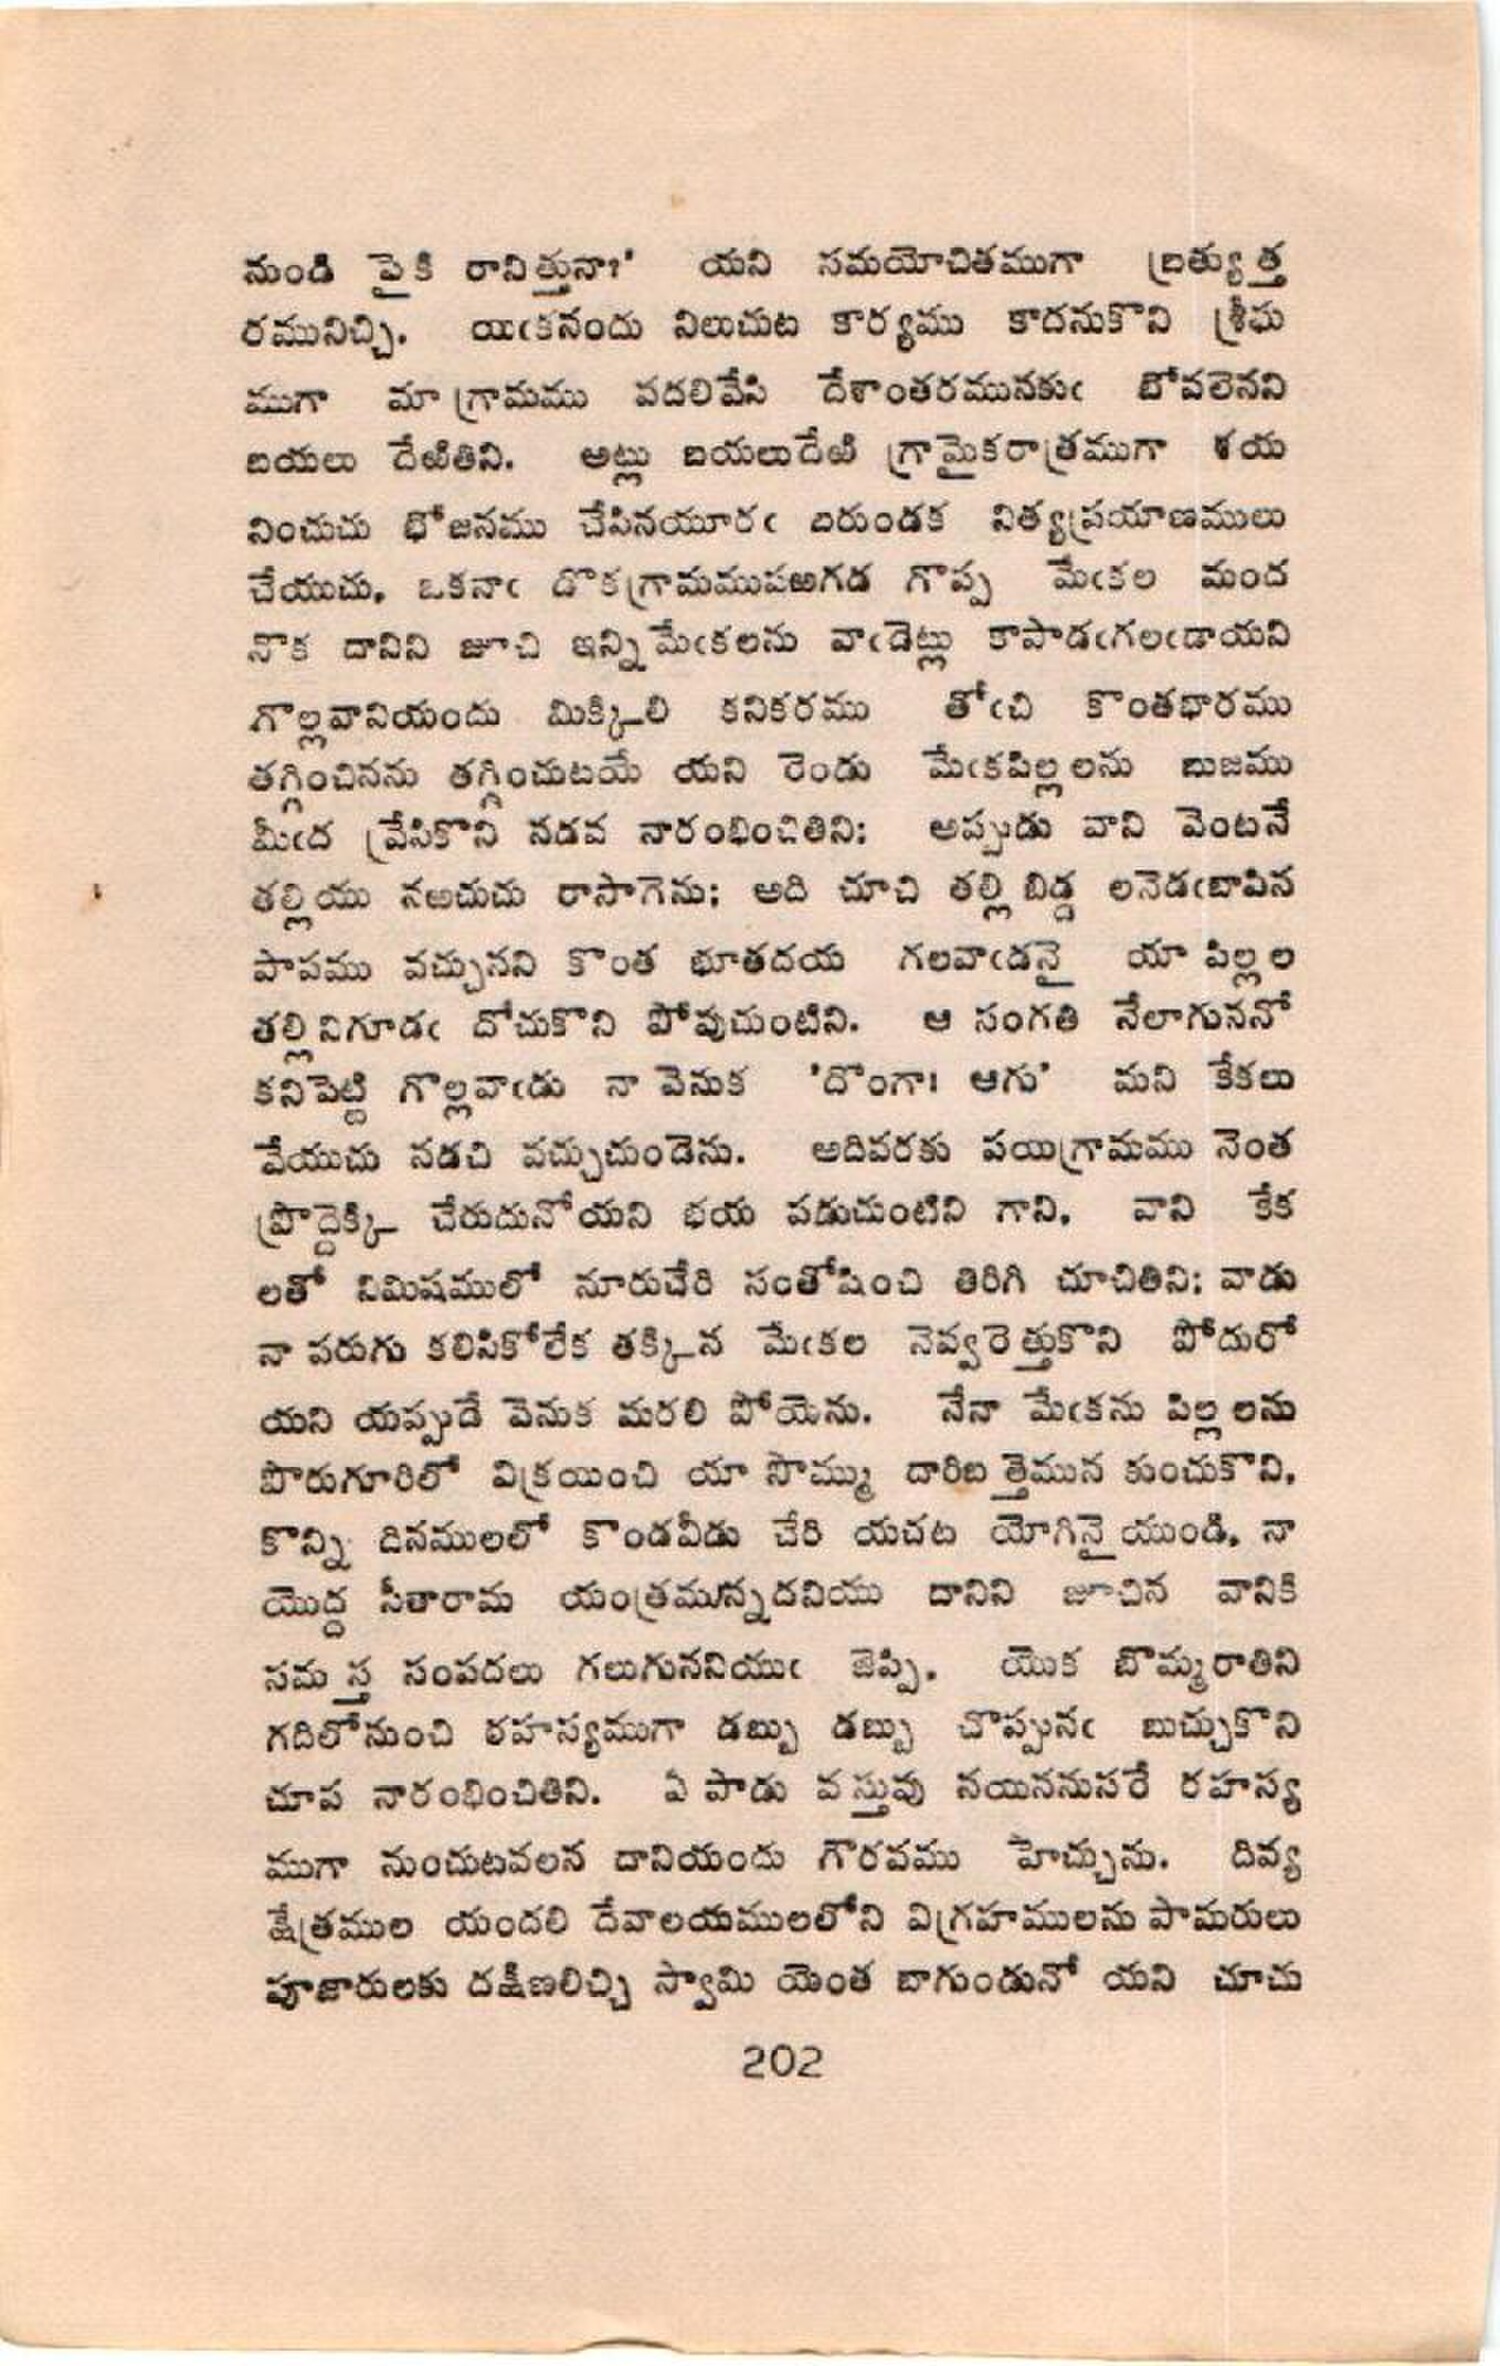నుండి పైకి రానిత్తునా?' యని సమయోచితముగా బ్రత్యుత్త రమునిచ్చి, యిఁక నందు నిలుచుట కార్యము కాదనుకొని మా గ్రామము వదలివేసి దేశాంతరమునకుఁ బోవలెనని బయలు దేఱితిని. అట్లు బయలుదేఱి గ్రామైకరాత్రముగా శయనించుచు భోజనము చేసినయూరఁ బరుండక నిత్యప్రయాణములు చేయుచు, ఒకనాఁ డొక గ్రామముపఱగడ గొప్ప మేఁకల మంద నొక దానిని జూచి ఇన్ని మేకలను వాఁడెట్ల కాపాడఁగలఁడాయని గొల్లవానియందు మిక్కిలి కనికరము తోఁచి కొంతభారము తగ్గించినను తగ్గించుటయే యని రెండు మేకపిల్లలను బుజము మీఁద వేసికొని నడవ నారంభించితిని; అప్పుడు వాని వెంటనే తల్లియు నఱచుచు రాసాగెను; అది చూచి తల్లి బిడ్డ లనెడఁబాపిన పాపము వచ్చునని కొంత భూతదయ గలవాఁడనై యా పిల్లల తల్లి నిగూడఁ దోచుకొని పోవుచుంటిని. ఆ సంగతి నేలాగుననో కనిపెట్టి గొల్లవాఁడు నా వెనుక 'దొంగా! ఆగు' మని కేకలు వేయుచు నడచి వచ్చుచుండెను. అదివరకు పయి గ్రామము నెంత ప్రొద్దెక్కి చేరుదునోయని భయ పడుచుంటిని గాని, వాని కేక లతో నిమిషములో నూరు చేరి సంతోషించి తిరిగి చూచితిని: వాడు నా పరుగు కలిసికోలేక తక్కిన మేకల నెవ్వరెత్తుకొని పోదురో యని యప్పుడే వెనుక మరలి పోయెను. నేనా మేకను పిల్లలను పొరుగూరిలో విక్రయించి యా సొమ్ము దారిబత్తెమున కుంచుకొని, కొన్ని దినములలో కొండవీడు చేరి యచట యోగినై యుండి, నా యొద్ద సీతారామ యంత్రమున్నదనియు దానిని జూచిన వానికి సమస్త సంపదలు గలుగుననియుఁ జెప్పి, యొక బొమ్మరాతిని గదిలోనుంచి రహస్యముగా డబ్బు డబ్బు చొప్పునఁ బుచ్చుకొని చూప నారంభించితిని. ఏ పాడు వస్తువు నయిననుసరే రహస్య ముగా నుంచుటవలన దానియందు గౌరవము హెచ్చును. దివ్య క్షేత్రమల యందలి దేవాలయములలోని విగ్రహములను పామరులు పూజారులకు దక్షిణలిచ్చి స్వామి యెంత బాగుండునో యని చూచు